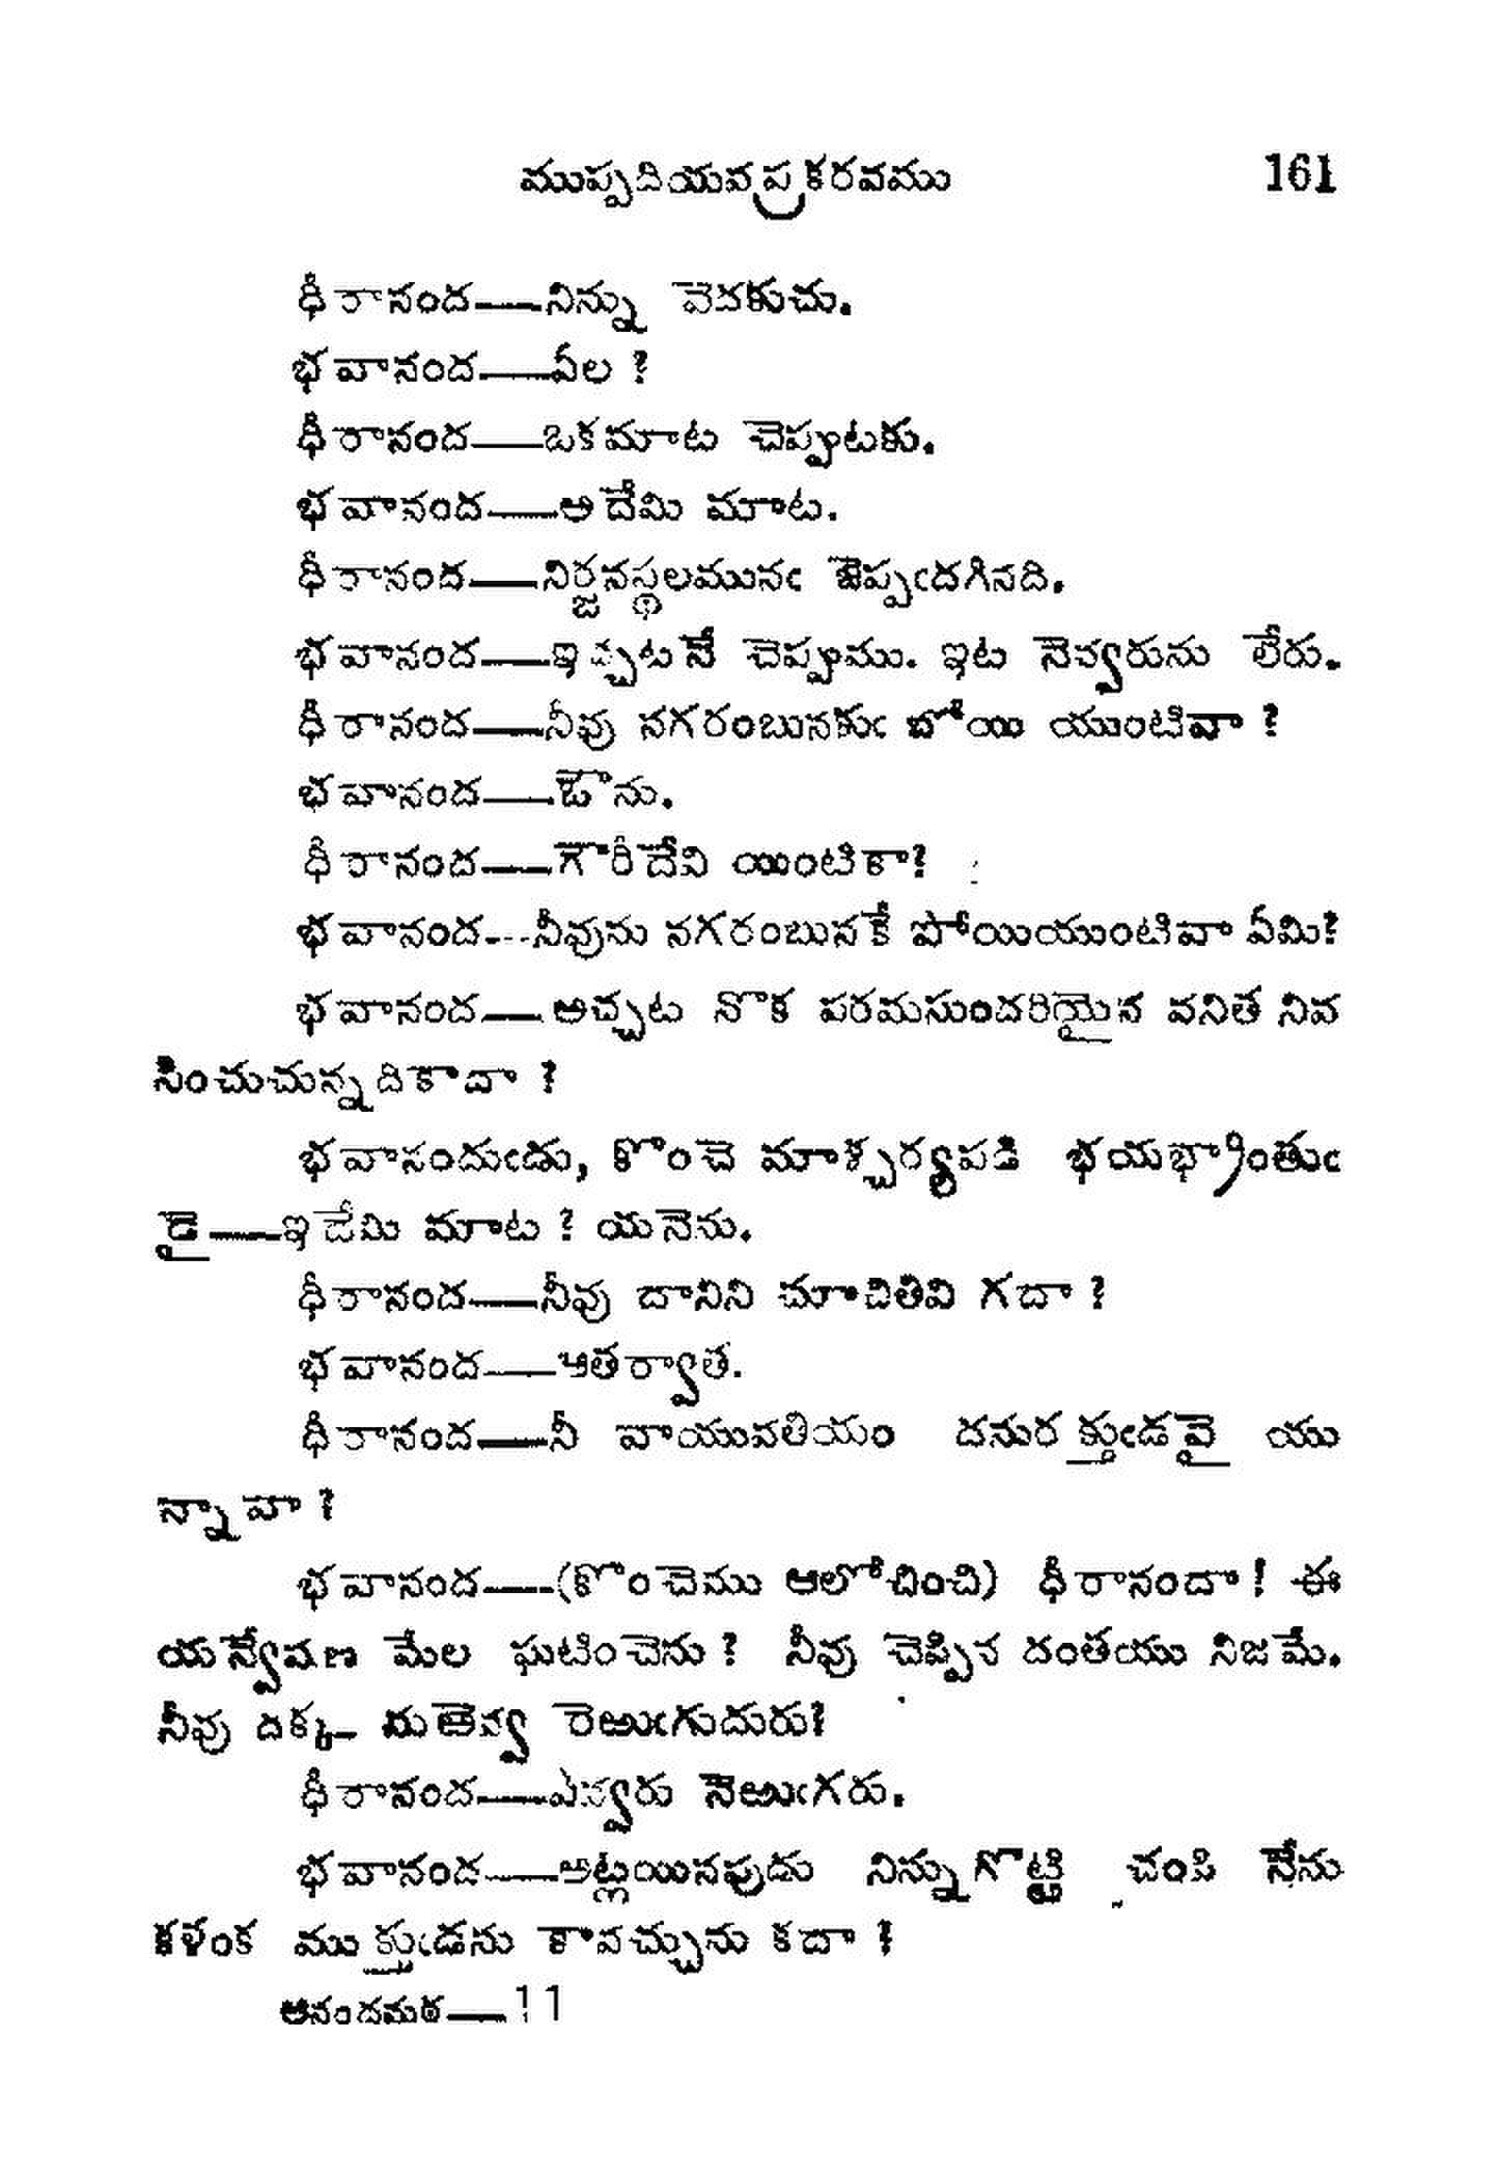ధీరానంద——నిన్ను వెదకుచు.

భవానంద——ఏల ?

ధీరానంద——ఒకమాట చెప్పుటకు.

భవానంద——అదేమి మాట.

ధీరానంద——నిర్జనస్థలమునఁ జెప్పఁదగినది.

భవానంద——ఇచ్చటనే చెప్పుము. ఇట నెవ్వరును లేరు.

ధీరానంద——నీవు నగరంబునకుఁ బోయి యుంటివా ?

భవానంద——ఔను.

ధీరానంద—— గౌరీ దేవి యింటికా? 

భవానంద——నీవును నగరంబునకే పోయియుంటివా ఏమి?

భవానంద——అచ్చట నొక పరమసుందరియైన వనిత నివసించుచున్నది కాదా?

భవానందుఁడు, కొంచె మాశ్చర్యపడి భయభ్రాంతుఁడై——ఇదేమి మాట? యనెను.

ధీరానంద——నీవు దానిని చూచితివి గదా ?

భవానంద——ఆతర్వాత.

ధీరానంద——నీ వాయువతియం దనురక్తుడవై యున్నావా?

భవానంద——(కొంచెము ఆలోచించి) ధీరానందా ! ఈ యన్వేషణ మేల ఘటించెను ! నీవు చెప్పిన దంతయు నిజమే.
నీవు దక్క ముఱెవ్వ రెఱుఁగుదురు?

ధీరానంద——ఎవ్వరు నెఱుఁగరు,

భవానంద——అట్లయినపుడు నిన్ను గొట్టి చంపి నేను కళంక ముక్తుడను కావచ్చును కదా ?